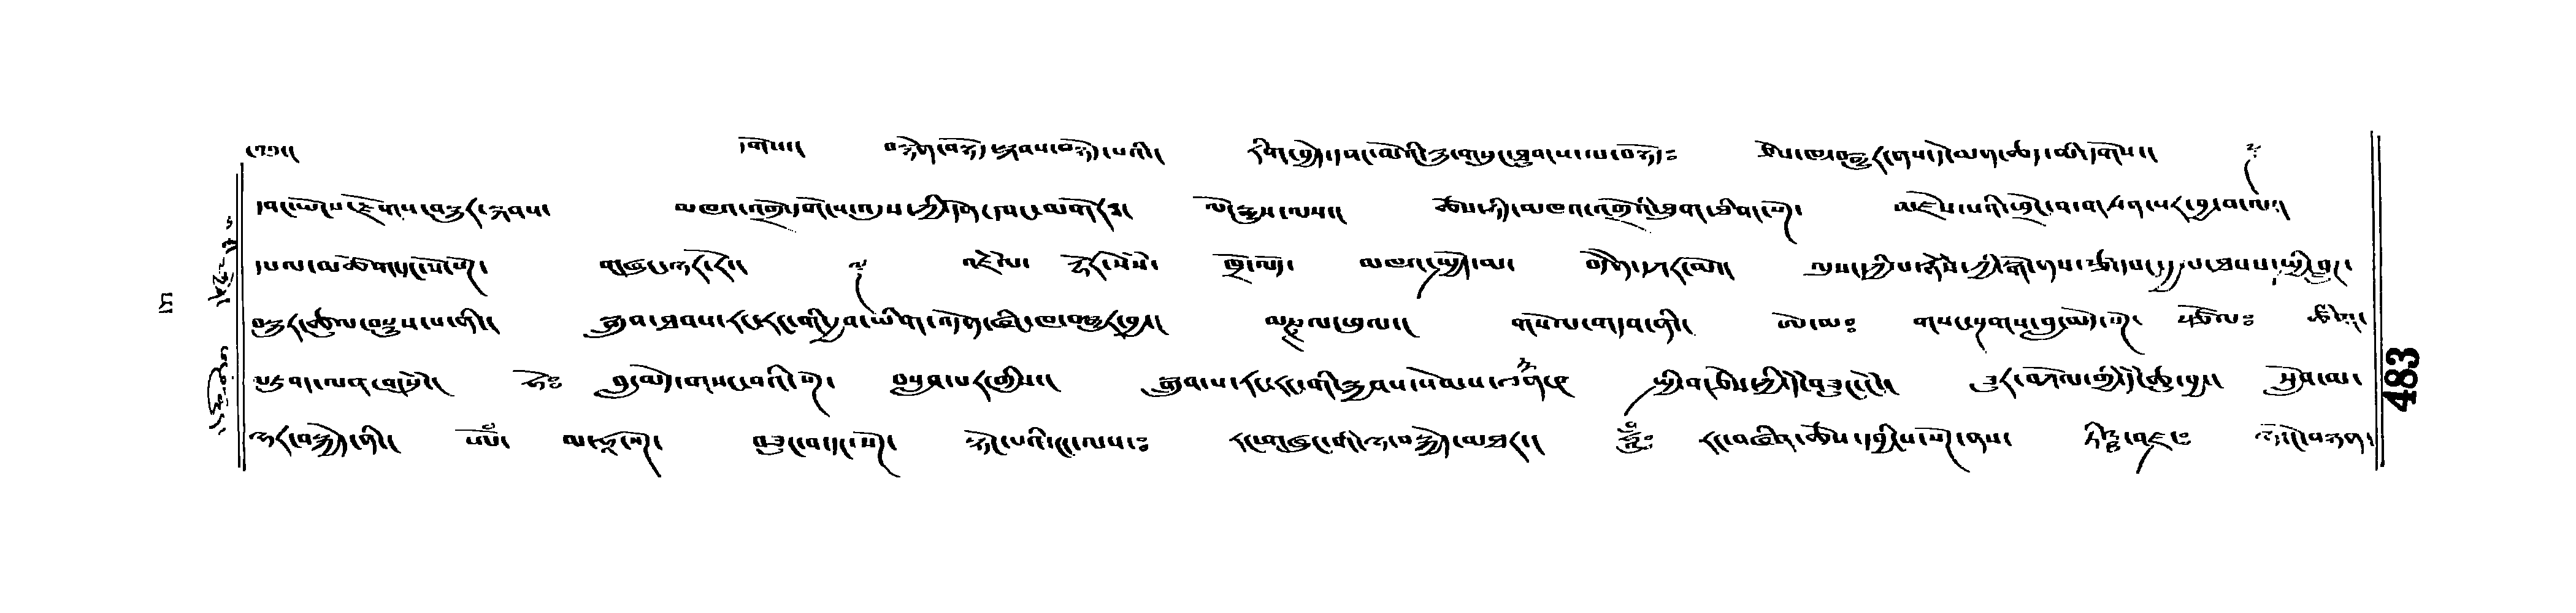དགོས། བསྙེན་བསྟོད་སྐབས་བསྟོད་པའི། རིག་བྱེད་དབང་མོའི་སྐུ་གསུང་ཐུགས་ལ་བསྟོད༔ ཅེས་ཁ་བསྒྱུར་ནས་དེ་མན་ཆད་མི་དགོས། ༈ 
དབང་ཡོངས་རྫོགས་བསྐུར་སྐབས། མཁའ་འགྲོ་དགོངས་འདུས་ཀྱི་དོན་དབང་འགོར། ལོ་སྒྱུས་ལས། ཆོས་ཉིད་མཁའ་འགྲོའི་ཐུགས་ཐིག་སོགས། མཛེས་པའི་ཕྲེང་བ་གསན་པར་བྱ་ལ། 
དཔལ་མཆོག་དང་པོ་སོགས། གཞུང་ལྟར་རོ། ༈ འཇམ་དཔལ། རྡོར་སེམས། ཁྲོ་ལོད། མཁའ་སྤྱོད་མ། བདེ་ཆེན་དཀར་མོ། ལུས་དཀྱིལ་རྣམས་ཀྱི་སྒོ་ནས་རྩ་དབང་རྒྱལ་ཐབས་སྤྱི་བླུགས་
བསྐུར་ཚུལ་བསྡུས་པ་ནི། སྒྲུབ་ཐབས་རང་རང་གི་རྒྱབ་ཡིག་འདོན་ཞིང་ཁ་བསྒྱུར་བྱ། མཎྜལ་ཕུལ། གསོལ་གདབ་ནི། ཨེ་མ༔ གསང་སྔགས་བླ་མེད་སོགས། སྩོལ༔ ཚིག་
མཇུག་ལན་གསུམ། ཧོཿ བླ་མེད་གསང་བའི་སོགས། བསླབ་པར་གྱིས། སྒྲུབ་པ་རང་རང་གི་སྐྱབས་སེམས་ལན་གསུམ། སྤྱི་གཅེས་ཀྱི་དམ་བཟུང་ངམ། ཟུར་བཀོལ་གྱི་དམ་ཆུ་བྱ། སློབ་མ་
ལྷར་བསྐྱེད་ནི། ཨོཾ་མ་ཧཱ་སོགས། བཟུང་བ་དང་སོགས། སྟོང་པའི་ངང་ལས་སོགས་རང་གཞུང་གི་ལྷ་བསྐྱེད་མཐར། ཧཱུྃ༔ རང་བཞིན་ཆོས་དབྱིངས་སོགས་ནས། ཏིཥྛ་བཛྲ༔ ལྷ་ངོ་བསྟན་